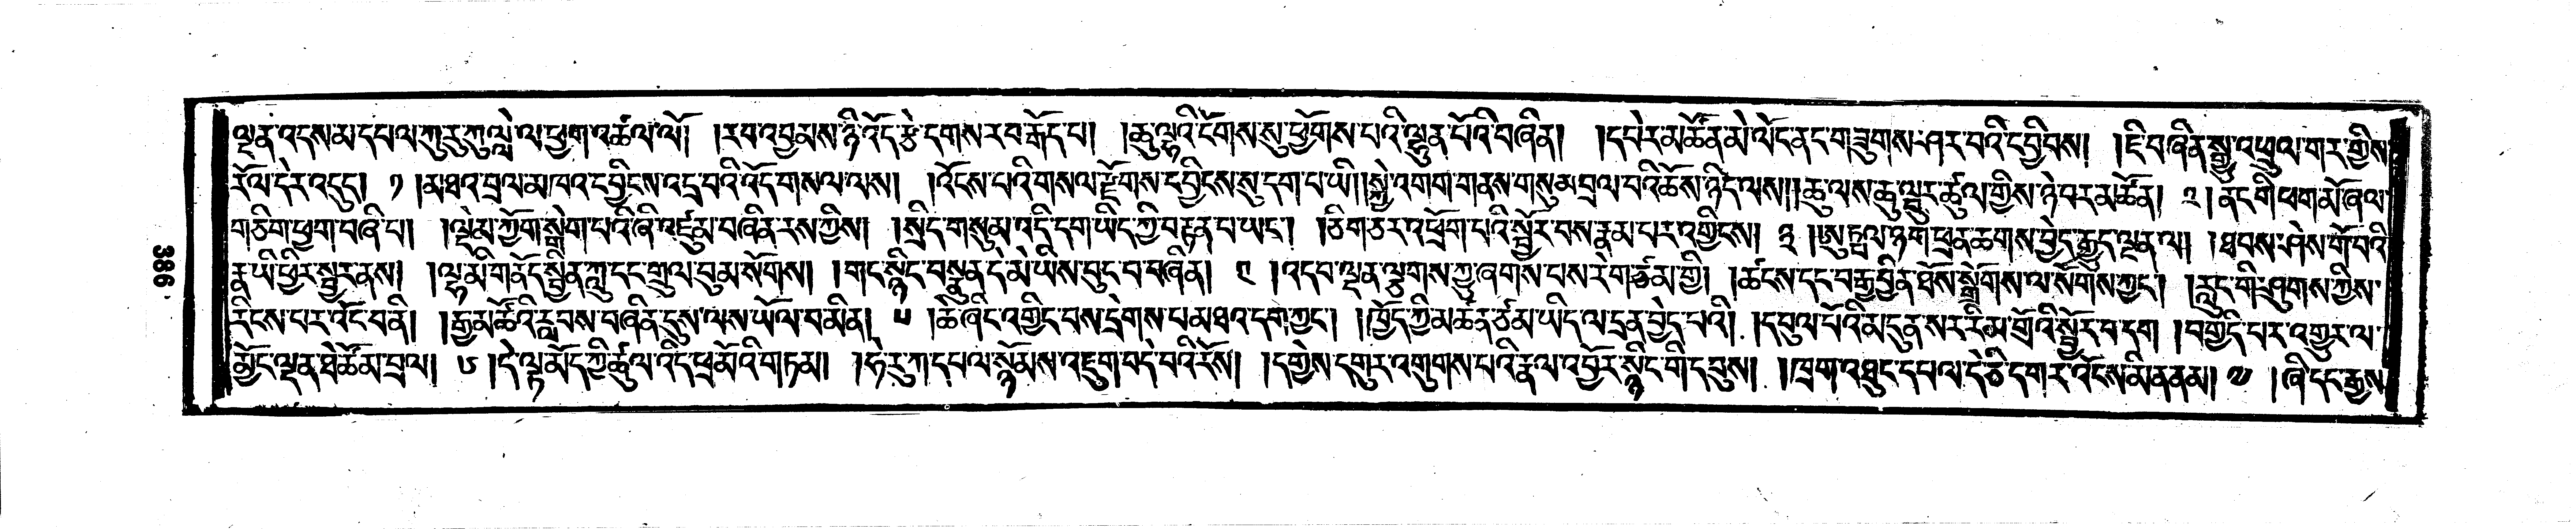ལྡན་འདས་མ་དཔལ་ཀུ་རུ་ཀུལླེ་ལ་ཕྱག་འཚལ་ལོ། །རབ་འབྱམས་ཉི་འོད་རྩེ་དགས་རབ་རྒོད་པ། །ཆུ་ལྷའི་ངོགས་སུ་ཕྱོགས་པའི་ལྷུན་པོའི་བཞིན། །དཔེར་མཚོན་མེ་ལོང་ནང་གཟུགས་ཤར་བའི་དབྱིབས། །ཇི་བཞིན་སྒྱུ་འཕྲུལ་གར་གྱིས་
རོལ་དེར་འདུད། ༡་།མཐའ་བྲལ་མཁའ་དབྱིངས་འདྲ་བའི་འོད་གསལ་ལས། །འོངས་པའི་གསལ་རྫོགས་དབྱིངས་སུ་དག་པ་ཡི། །སྐྱེ་འགག་གནས་གསུམ་བྲལ་བའི་ཆོས་ཉིད་ལས། །ཆུ་ལས་ཆུ་ཝུར་ཚུལ་གྱིས་ཉེ་བར་མཚོན། ༢་།ནང་གི་ཕག་མོ་ཞལ་
གཅིག་ཕྱག་བཞི་པ། །ལྡེམ་ཀྱོག་སྒེག་པའི་ཞི་འཛུམ་བཞིན་རས་ཀྱིས། །སྲིད་གསུམ་འདི་དག་ཡིད་ཀྱི་བརྟན་པ་ཡང་། །ཅིག་ཅར་འཕྲོག་པའི་སྦྱོར་བས་རྣམ་པར་འགྱིངས། ༣་།ཨུཏྤལ་ཉག་ཕྲན་ཆགས་བྱེད་རྒྱུད་ལྡན་ལ། །ཐབས་ཤེས་གོ་བའི་
རྣ་ཡི་ཕྱིར་སྦྱར་ནས། །ལྷ་མི་གནོད་སྦྱིན་ཀླུ་དང་གྲུལ་བུམ་སོགས། །གང་སྙིང་བསྣུན་དེ་མེ་ཡིས་བུང་བ་བཞིན། ༤་།འདབ་ལྡན་ལྕགས་ཀྱུ་ཞགས་པས་རེག་ཙམ་གྱི། །ཚངས་དང་བརྒྱ་བྱིན་ཐོས་སྒྲོགས་ལ་སོགས་ཀྱང་། །རླུང་གི་ཤུགས་ཀྱིས་
རིངས་པར་འོང་བ་ནི། །རྒྱ་མཚོའི་རླབས་བཞིན་དུས་ལས་ཡོལ་བ་མིན། ༥་།ཆེ་ཞིང་འགྱིང་བས་དྲེགས་པ་མཐའ་དག་ཀྱང་། །ཁྱོད་ཀྱི་མཚན་ཙམ་ཡིད་ལ་དྲན་བྱེད་པའི། །དབུལ་པོའི་མདུན་སར་རིམ་གྲོའི་སྦྱོར་བ་དག །བགྱིད་པར་འགྱུར་ལ་
མྱོང་ལྡན་ཐེ་ཚོམ་བྲལ། ༦་།དེ་ལྟ་མོད་ཀྱི་ཚུལ་འདི་ཕྲ་མོའི་གཏམ། །ཧེ་རུ་ཀ་དཔལ་སྙོམས་འཇུག་བདེ་བའི་རོས། །དགྱེས་དགུར་འགུགས་པའི་རྣལ་འབྱོར་སྙིང་གི་དབུས། །ཁྲག་འཐུང་དཔལ་དེ་ཅི་དགར་འོངས་མིན་ནམ། ༧་།ཞི་དང་རྒྱས་